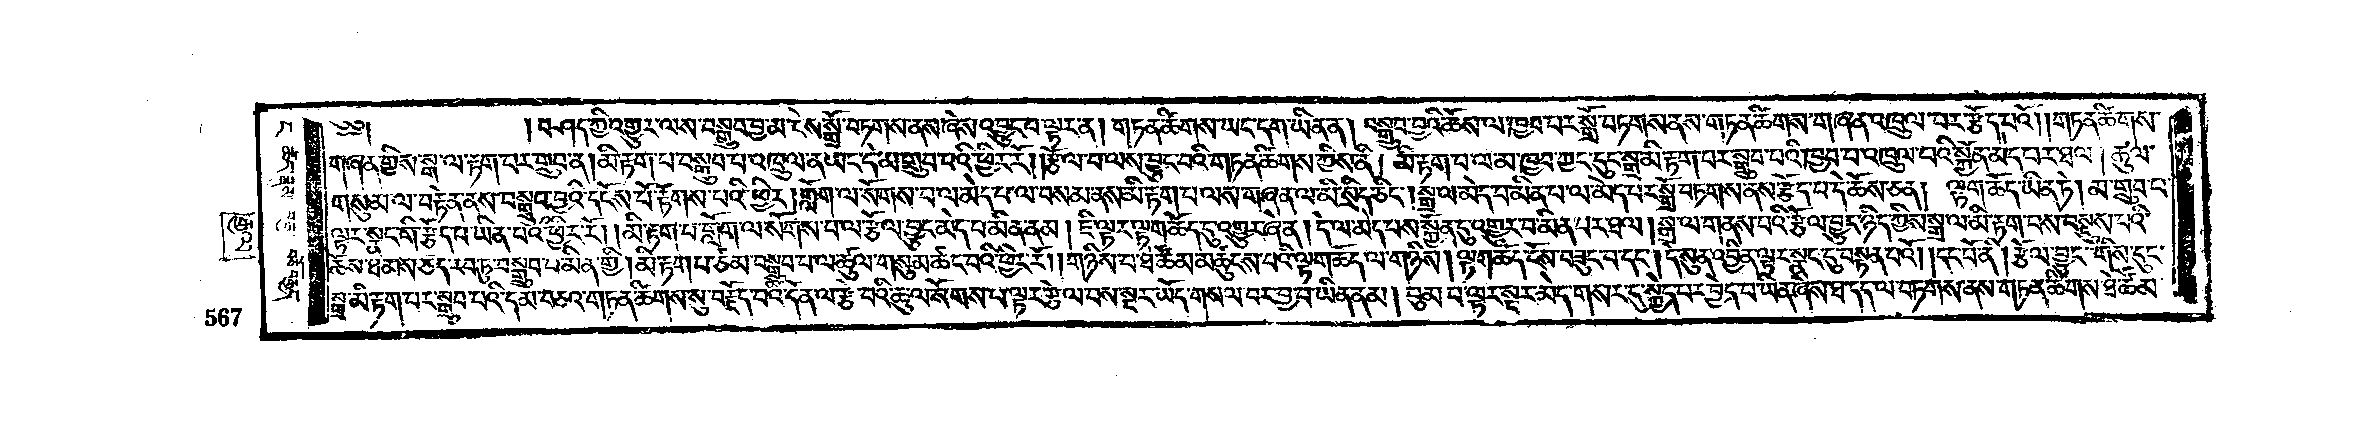༄༅། །བཤད་ཀྱི་འགྱུར་ལས་བསྒྲུབ་ཡ་མ་ངེས་སྒྲོ་བཏགས་ནས་ཞེས་འབྱུང་བ་ལྟར་ན། གཏན་ཚིགས་ཡང་དག་ཡིན་ན། བསྒྲུབ་བྱའི་ཆོས་ལ་ཁྱབ་པར་སྒྲོ་བརྟགས་ནས་གཏན་ཚིགས་གཞན་འཁྲུལ་པར་རྩོད་པའོ། །གཏན་ཚིགས་
གཞན་གྱིས་སྒྲ་ལ་རྟག་པར་གྲུབ་ན། མི་རྟག་པ་བསྒྲུབ་པ་འཁྲུལ་ན་ཡང་དེ་མ་གྲུབ་པའི་ཕྱིར་རོ། །རྩོལ་བ་ལས་བྱུང་བའི་གཏན་ཚིགས་ཀྱིས་ནི། མི་རྟག་པ་ལ་མ་ཁྱབ་ཀྱང་དུང་སྒྲ་མི་རྟག་པར་སྒྲུབ་པའི་ཁྱབ་པ་འཁྲུལ་པའི་སྐྱོན་མེད་པར་ཐལ། །ཚུལ་
གསུམ་ལ་བརྟེན་ནས་བསྒྲུབ་བྱའི་དངོས་པོ་རྟོགས་པའི་ཕྱིར། གློག་ལ་སོགས་པ་ལ་མེད་པ་ལ་བསམ་ནས་མི་རྟག་པ་ལས་གཞན་ལ་མི་སྲིད་ཅིང་། སྒྲ་ལ་མེད་པ་མིན་པ་ལ་མེད་པར་སྒྲོལ་བཏགས་ནས་རྩོད་པ་དེ་ཆོས་ཅན། ལྟག་ཆོད་ཡིན་ཏེ། མ་གྲུབ་པ་
ལྟར་སྣང་གི་རྩོད་པ་ཡིན་པའི་ཕྱིར་རོ། །མི་རྟག་པ་གློག་ལ་སོགས་པ་ལ་རྩོལ་བྱུང་མེད་པ་མིན་ནམ། ཇི་ལྟར་ལྟག་ཆོད་དུ་འགྱུར་ཞེ་ན། དེ་ལ་མེད་པས་སྐྱོན་དུ་འགྱུར་བ་མིན་པར་ཐལ། སྒྲ་ལ་གནས་པའི་རྩོལ་བྱུང་ཉིད་ཀྱིས་སྒྲ་ལ་མི་རྟག་པས་བསྡུས་པའི་
ཆོས་ཐམས་ཅད་རབ་ཏུ་བསྒྲུབ་པ་མིན་གྱི་།མི་རྟག་པ་ཙམ་བསྒྲུབ་པ་ལ་ཚུལ་གསུམ་ཚང་བའི་ཕྱིར་རོ། །གཉིས་པ་ཐེ་ཚོམ་མཚུངས་པའི་ལྟག་ཆོད་ལ་གཉིས། ལྟག་ཆོད་ངོས་བཟུང་བ་དང་། དེ་སུན་འབྱིན་ལྟར་སྣང་དུ་བསྟན་པའོ། །དང་པོ་ནི། རྩོལ་བྱུང་གིས་དུང་
སྒྲ་མི་རྟག་པར་སྒྲུབ་པའི་དམ་བཅའ་གཏན་ཚིགས་སུ་བརྗོད་པའི་དོན་ལ་རྩེ་བའི་ཆུ་ལ་སོགས་པ་ལྟར་རྩེལ་བས་སྔར་ཡོད་གསལ་བར་བྱ་བ་ཡིན་ནམ། བུམ་པ་ལྟར་སྔར་མེད་གསར་དུ་སྐྱེད་པར་བྱེད་པ་ཡིན་ཞིས་ཐ་དད་ལ་བཏགས་ནས་གཏན་ཚིག་ཐེ་ཚོམ་